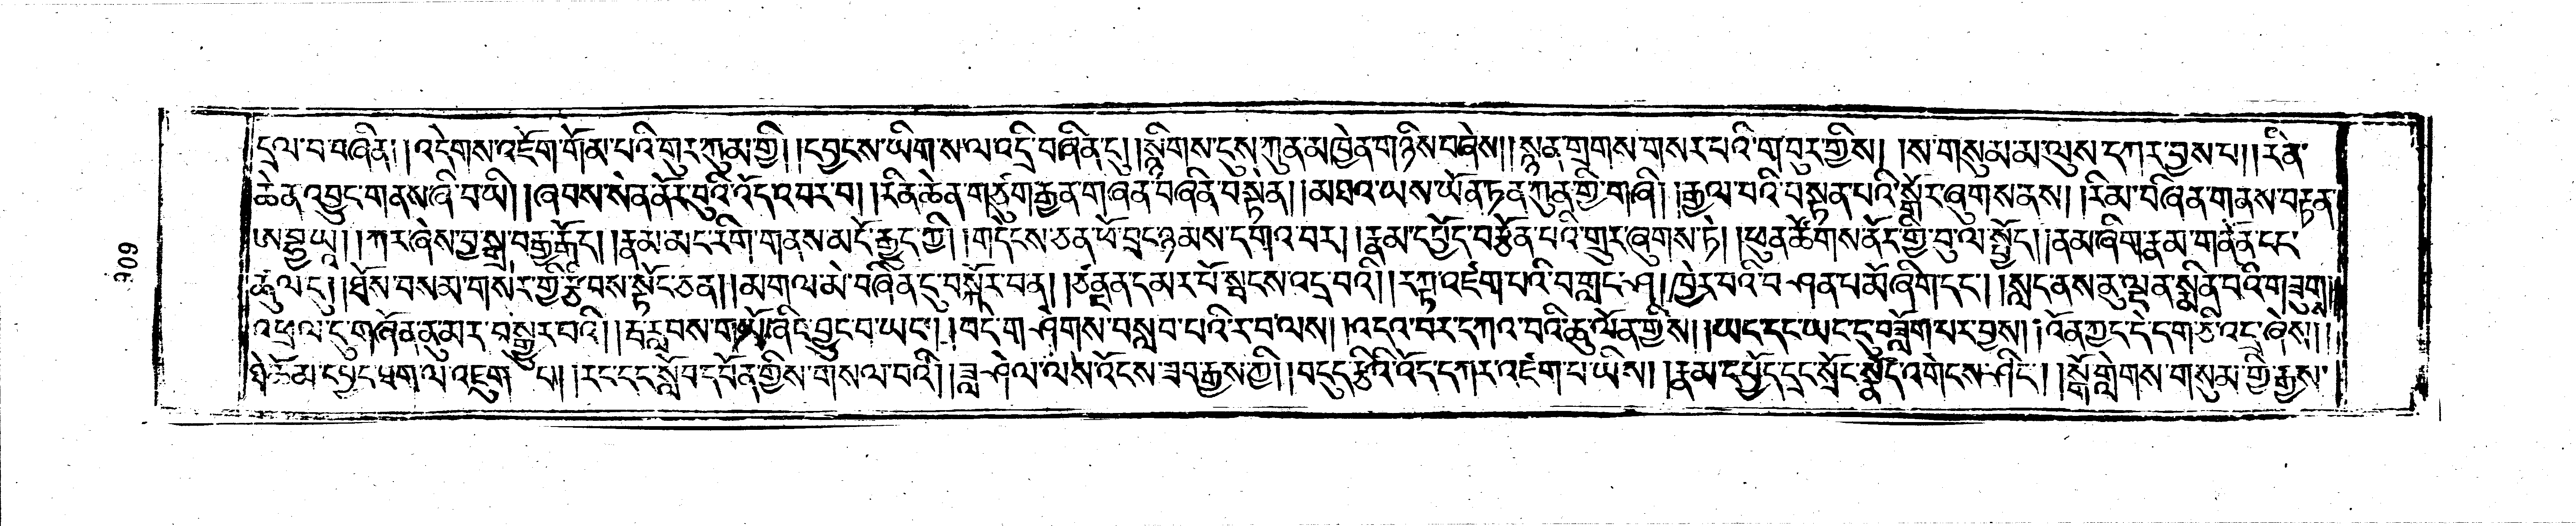བྲལ་བ་བཞིན། །འདེགས་འཇོག་གོམ་པའི་གུར་ཀུམ་གྱི། །དབྱངས་ཡིག་ས་ལ་འདྲི་བཞིན་དུ། །སྙིགས་དུས་ཀུན་མཁྱེན་གཉིས་པ་ཞེས། །སྙན་གྲགས་གསར་པའི་ག་བུར་གྱིས། །ས་གསུམ་མ་ལུས་དཀར་བྱས་པ། །རིན་
ཆེན་འབྱུང་གནས་ཞི་བ་ཡི། །ཞབས་སེན་ནོར་བུའི་འོད་འབར་བ། །རིན་ཆེན་གཙུག་རྒྱན་གཞན་བཞིན་བསྟེན། །མཐའ་ཡས་ཡོན་ཏན་ཀུན་གྱི་གཞི། །རྒྱལ་བའི་བསྟན་པའི་སྒོར་ཞུགས་ནས། །རིམ་བཞིན་གནས་བརྟན་
ཨ་བྷྱ་ཡཱ། །ཀ་ར་ཞེས་བྱ་སྒྲ་བརྒྱ་རྒོད། །རྣམ་མང་རིག་གནས་མང་རྒྱུད་ཀྱི། །གདངས་ཅན་ཕོ་བྲང་ཉམས་དགའ་བར། །རྣམ་དཔྱོད་བརྩོན་པའི་གྲུར་ཞུགས་ཏེ། །ཕུན་ཚོགས་ནོར་གྱི་བུ་ལ་སྤྱོད། །ནམ་ཞིག་རྣམ་གནོན་ངང་
ཚུལ་དུ། །ཐོས་བསམ་གསེར་གྱི་རྩིབས་སྟོང་ཅན། །མགལ་མེ་བཞིན་དུ་བསྐོར་བ་ན། །ཙནྡན་དམར་པོ་སྤངས་འདྲ་བའི། །རཀྟ་འཛག་པའི་བ་གླང་ཤ། །ཁྱེར་བའི་བཤན་པ་མོ་ཞིག་དང་། །སླང་ནས་ནུ་ལྡན་སྨིན་པའི་གཟུགས།
འཕྲལ་དུ་གཞོན་ནུ་མར་བསྒྱུར་བའི། །རྦ་རླབས་གཡོ་ཞིང་བྱུང་བ་ཡང་། །བདེ་གཤེགས་བསླབ་པའི་ར་བ་ལས། །འདའ་བར་དཀའ་བའི་ཆུ་ལོན་གྱིས། །ཡང་དང་ཡང་དུ་བཟློག་པར་བྱས། །འོན་ཀྱང་དེ་དག་ཅི་འདྲ་ཞེས། །
ཐེ་ཚོམ་དཔྱོད་ཐག་ལ་འཇུག་པ། །རང་དང་སློབ་དཔོན་གྱིས་གསོལ་བའི། །ཟླ་ཤེལ་ལས་འོངས་ཟབ་རྒྱས་ཀྱི། །བདུད་རྩིའི་འོད་དཀར་འཛག་པ་ཡིས། །རྣམ་དཔྱོད་དྲང་སྲོང་སྣོད་འགེངས་ཤིང་། །སྒོ་གླེགས་གསུམ་གྱི་རྒྱས་